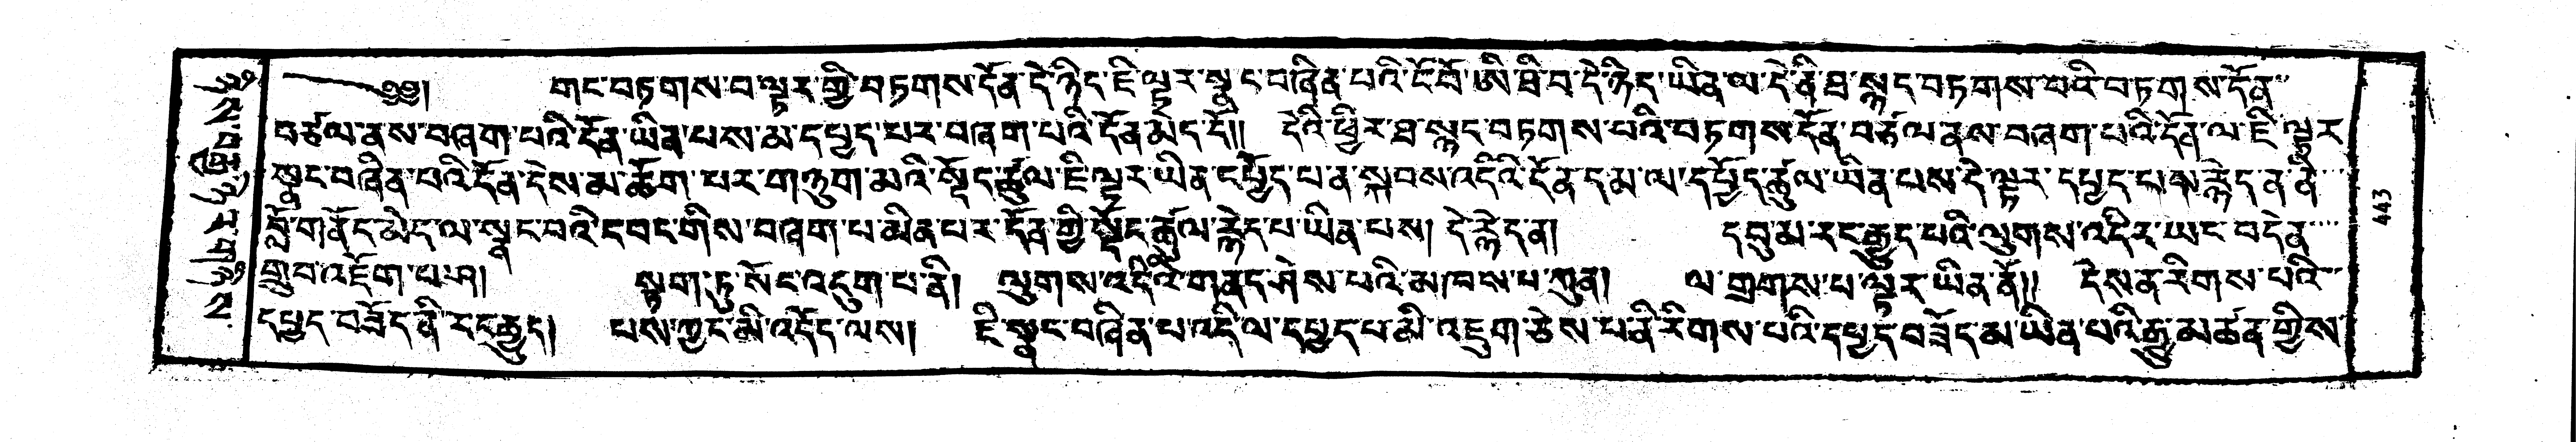༄༅། །གང་བཏགས་པ་ལྟར་གྱི་བཏགས་དོན་དེ་ཉིད་ཇི་ལྟར་སྣང་བཞིན་པའི་ངོ་བོ་ཨི་ཐི་བ་དེ་ཉིད་ཡིན་ལ་དེ་ནི་ཐ་སྙད་བཏགས་པའི་བཏགས་དོན་
བཙལ་ནས་བཞག་པའི་དོན་ཡིན་པས་མ་དཔྱད་པར་བཞག་པའི་དོན་མེད་དོ།། དེའི་ཕྱིར་ཐ་སྙད་བཏགས་པའི་བཏགས་དོན་བཙལ་ནས་བཞག་པའི་དོན་ལ་ཇི་ལྟར་
སྣང་བཞིན་པའི་དོན་དེས་མཆོག་པར་གཉུག་མའི་སྡོད་ཚུལ་ཇི་ལྟར་ཡིན་དཔྱོད་པ་ན་སྐབས་འདིའི་དོན་དམ་ལ་དཔྱོད་ཚུལ་ཡིན་པས་དེ་ལྟར་དཔྱད་པས་རྙེད་ན་ནི་
བློ་གནོད་མེད་ལ་སྣང་བའི་དབང་གིས་བཞག་པ་མིན་པར་དོན་གྱི་སྡོང་ཚུལ་རྙེད་པ་ཡིན་པས། དེ་རྙེད་ན། དབུ་མ་རང་རྒྱུད་པའི་ལུགས་འདིར་ཡང་བདེན་
གྲུབ་འཇོག་པ་ཤ། སྟག་ཏུ་སོང་འདུག་པ་ནི། ལུགས་འདིའི་གནད་ཤེས་པའི་མཁས་པ་ཀུན། ལ་གྲགས་པ་ལྟར་ཡིན་ནོ།། དེས་ན་རིགས་པའི་
དཔྱད་བཟོད་ནི་རང་རྒྱུད། པས་ཀྱང་མི་འདོད་ལས། ཇི་སྣང་བཞིན་པ་འདི་ལ་དཔྱད་པ་མི་འཇུག་ཅེས་པ་ནི་རིགས་པའི་དཔྱད་བཟོད་མ་ཡིན་པའི་རྒྱུ་མཚན་གྱིས་